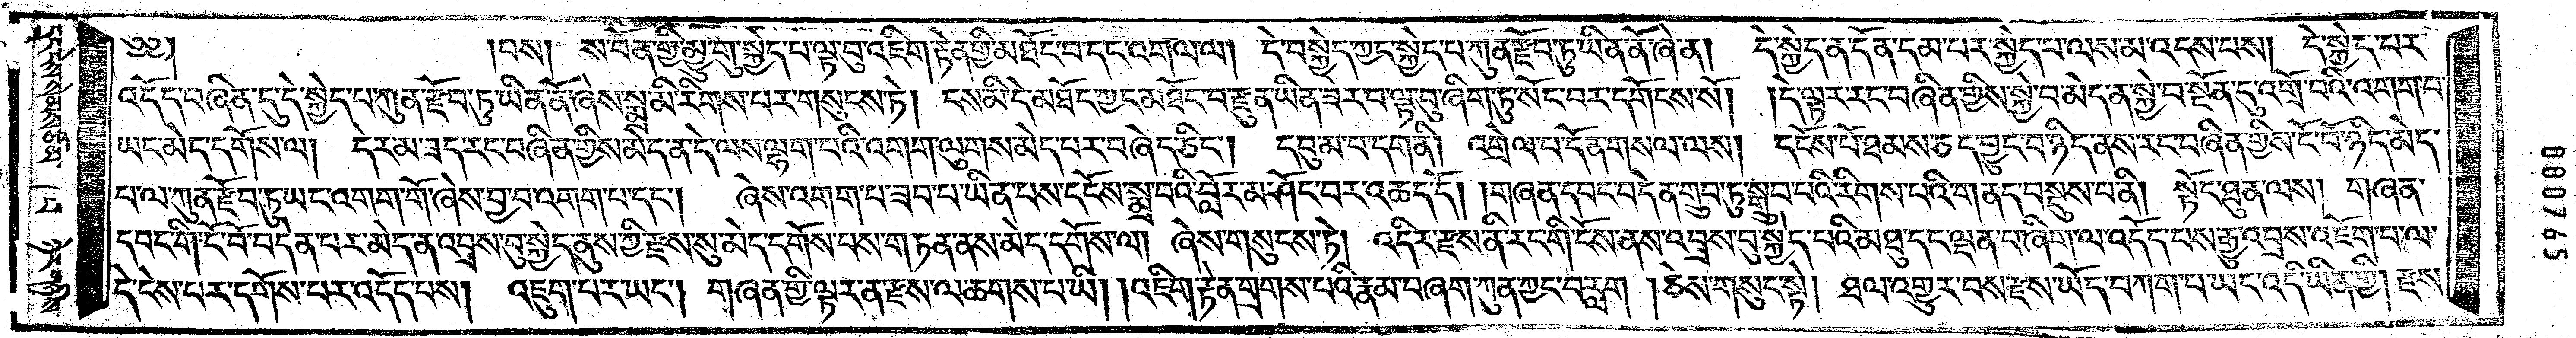༄༅། །བས། ས་བོན་གྱི་མྱུ་གུ་སྐྱེད་པ་ལྟ་བུ་འཇིག་རྟེན་གྱི་མཐོང་བ་དང་འགལ་ལ། དེ་བསྐྱེད་ཀྱང་སྐྱེད་པ་ཀུན་རྫོབ་ཏུ་ཡིན་ནོ་ཞེ་ན། དེ་སྐྱེད་ན་དོན་དམ་པར་སྐྱེད་པ་ལས་མ་འདས་པས། དེ་སྐྱེད་པར་
འདོད་བཞིན་དུ་དེ་སྐྱེད་པ་ཀུན་རྫོབ་ཏུ་ཡིན་ནོ་ཞེས་སྨྲ་མི་རིགས་པར་གསུངས་ཏེ། ངས་མི་དེ་མཐོང་ཡང་མཐོང་བ་རྫུན་ཡིན་ཟེར་བ་ལྟ་བུ་ཞིག་ཏུ་སོང་བར་དགོངས་སོ། །དེ་ལྟར་རང་བཞིན་གྱིས་སྐྱེ་བ་མེད་ན་སྐྱེ་བ་སྔོན་དུ་འགྲོ་བའི་འགག་པ་
ཡང་མེད་དགོས་ལ། དེར་མ་ཟད་རང་བཞིན་གྱིས་མེད་ན་དེ་ལས་ལྷག་པའི་འགག་ལུགས་མེད་པར་བཞེད་ཅིང་། དབུ་མ་པ་དག་ནི། འགྲེལ་པ་དོན་གསལ་ལས། དངོས་པོ་ཐམས་ཅད་བྱུང་བ་ཉིད་ནས་རང་བཞིན་གྱིས་ངོ་བོ་ཉིད་མེད་
པ་ལ་ཀུན་རྫོབ་ཏུ་ཡང་འགག་གོ་ཞེས་བྱ་བ་འགག་པ་དང་། ཞེས་འགག་པ་ཟབ་པ་ཡིན་པས་དངོས་སྨྲ་བའི་བློར་མ་ཤོང་བར་འཆད་དོ། །གཞན་དབང་བདེན་གྲུབ་ཏུ་སྒྲུབ་པའི་རིགས་པའི་གནད་བསྡུས་པ་ནི། སྟོང་ཐུན་ལས། གཞན་
དབང་གི་ངོ་བོ་བདེན་པར་མེད་ན་འབྲས་བུ་སྐྱེད་ནུས་ཀྱི་རྫས་སུ་མེད་དགོས་པས་གཏན་ནས་མེད་དགོས་ལ། ཞེས་གསུངས་ཏེ། འདིར་རྫས་ནི་རང་གི་ངོས་ནས་འབྲས་བུ་སྐྱེད་པའི་མཐུ་དང་ལྡན་པ་ཞིག་ལ་འདོད་པས་རྒྱུ་འབྲས་འཇོག་པ་ལ་
དེ་ངེས་པར་དགོས་པར་འདོད་པས། འཇུག་པར་ཡང་། གཞན་གྱི་ལྟར་ན་རྫས་ལ་ཆགས་པ་ཡི། །འཇིག་རྟེན་གྲགས་པའི་རྣམ་བཞག་ཀུན་ཀྱང་བརླག །ཅེས་གསུང་སྟེ། ཐལ་འགྱུར་བས་རྫས་ཡོད་བཀག་པ་ཡང་འདི་ཡིན་གྱི། རྫས་